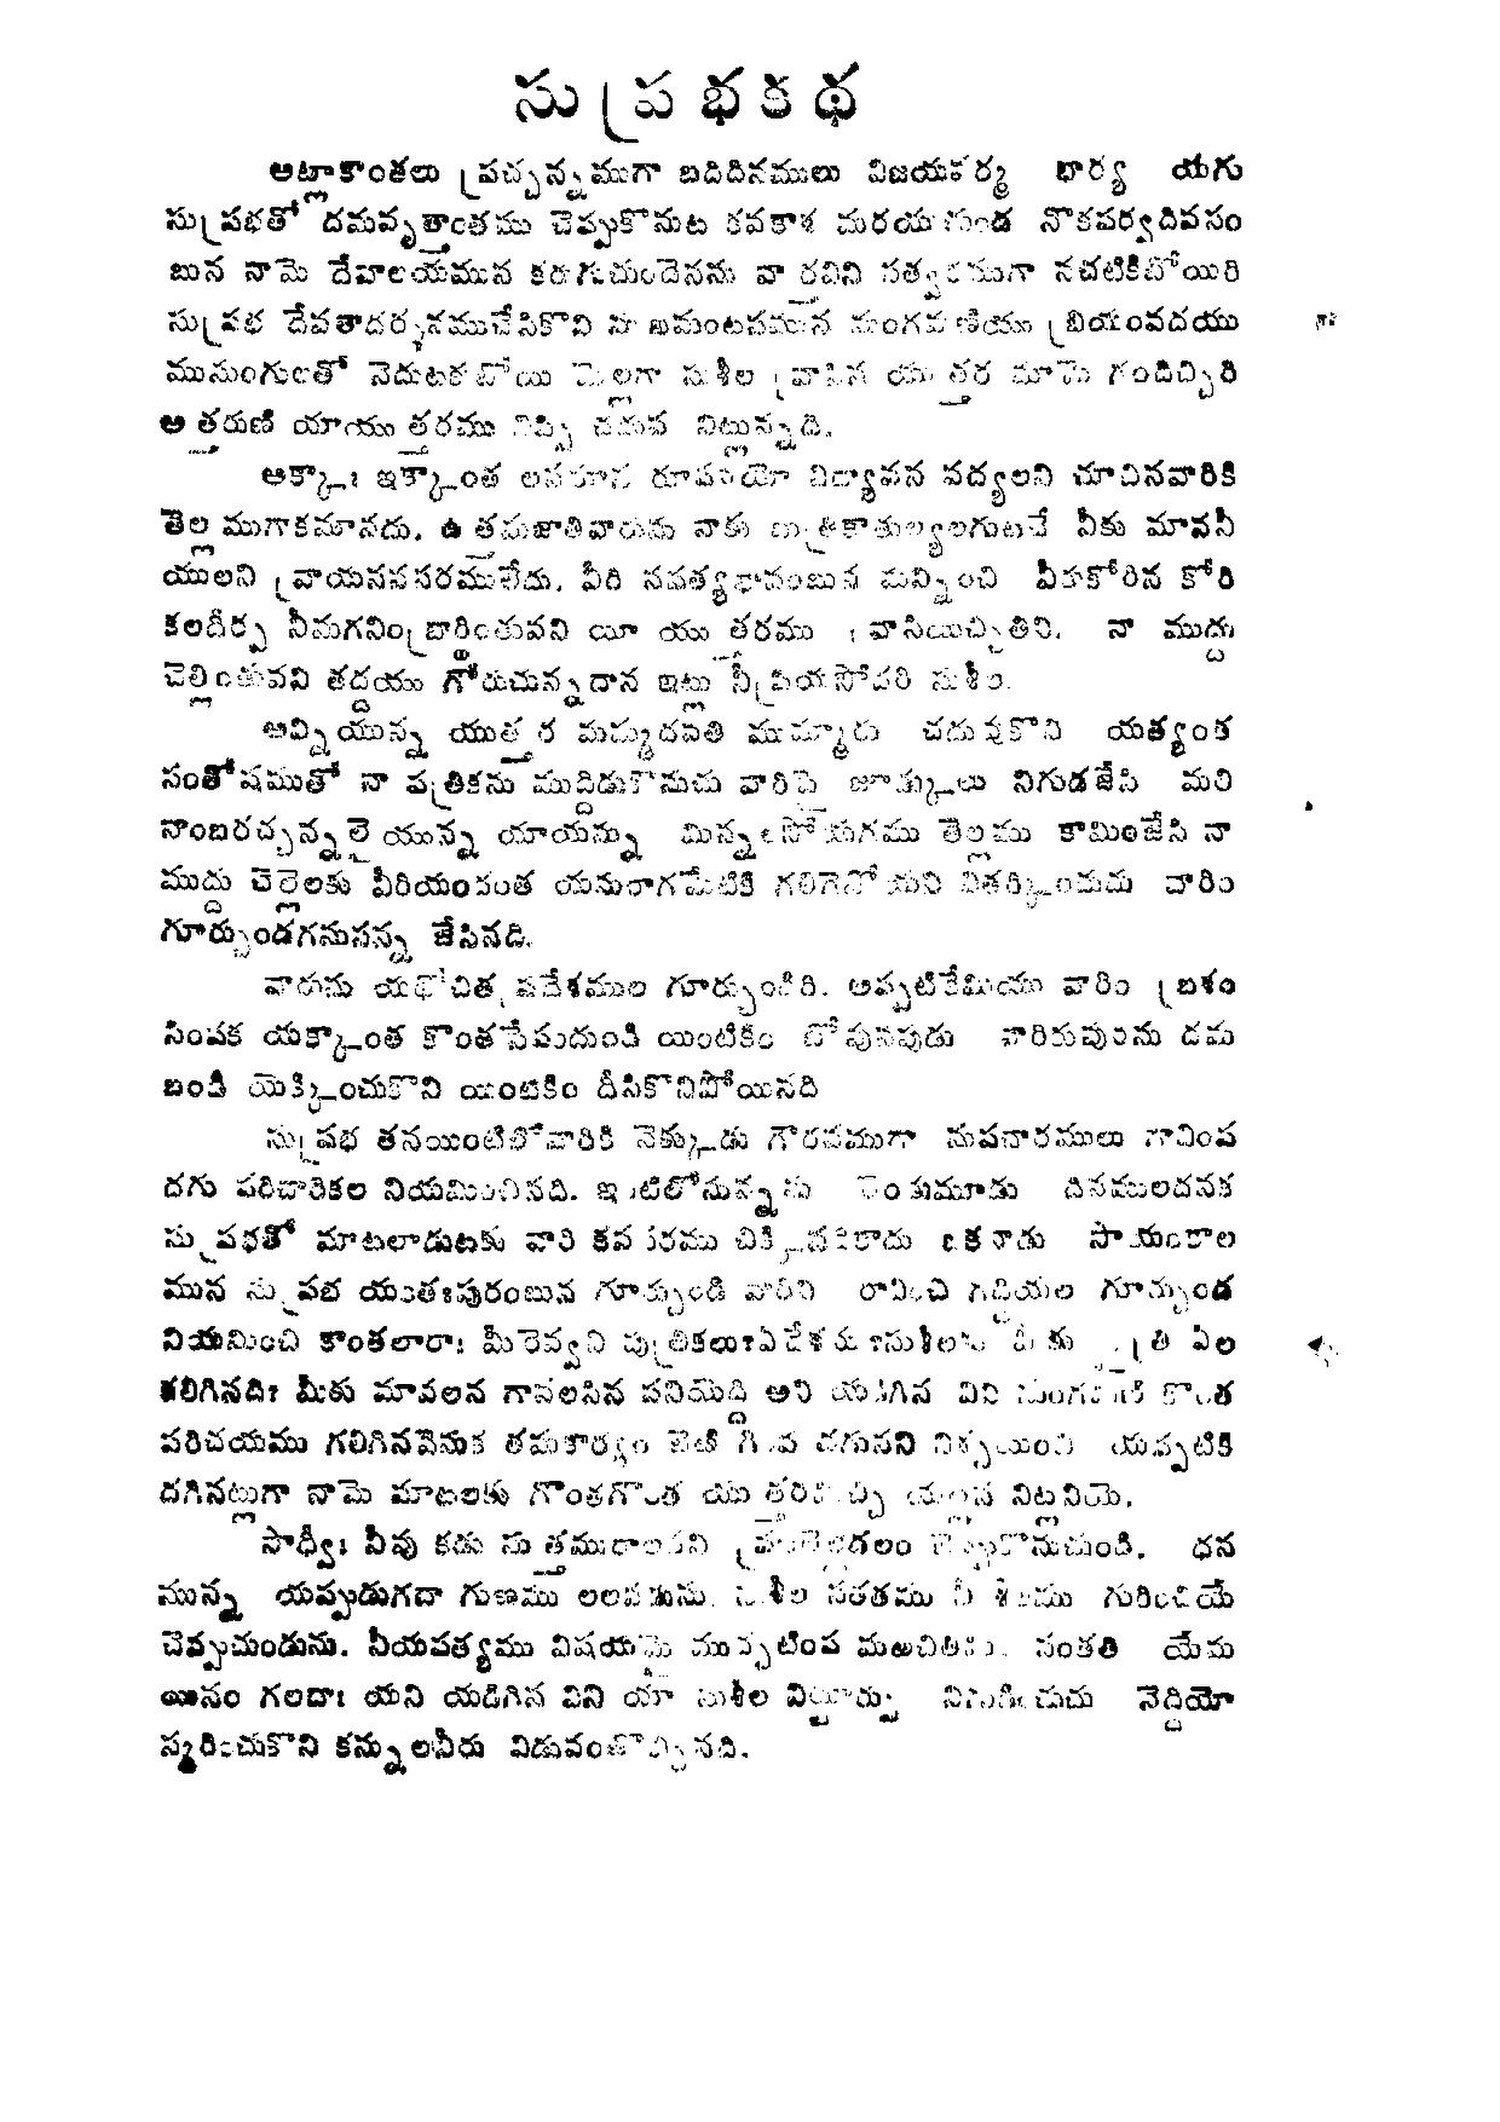సుప్రభకథ

అట్లాకాంతలు ప్రచ్చన్నముగా బదిదినములు విజయవర్మ భార్య యగు సుప్రభతో దమవృత్తాంతము చెప్పుకొనుట కవకాశ మరయచుండ నొకపర్వదివసంబున నామె దేవాలయమున కరుగుచుండెనను వార్తవిని సత్వరముగా నచటికి బోయిరి సుప్రభ దేవతాదర్శనముచేసికొని ముఖమంటపమున మంగమణియు బ్రియంవదయు ముసుంగులతో నెదుటకుబోయి మెల్లగా సుశీల వ్రాసిన యుత్తర మామె గందిచ్చిరి అత్తరుణి యాయుత్తరము విప్పి చదువ నిట్లున్నది.

అక్కా! ఇక్కాంత లసమానరూపవయోవిద్యావనవద్య లని చూచినవారికి తెల్లముగాకమానదు. ఉత్తమజాతివారును నాకు బుత్రికాతుల్యలగుటచే నీకు మాననీయులని వ్రాయనవసరములేదు. వీరి నపత్యభావంబున మన్నించి వీరుకోరిన కోరికలదీర్ప నీమగనిం బ్రార్ధింతువని యీ యుత్తరము వ్రాసియిచ్చితిని. నా ముద్దు చెల్లింతువని తద్దయు గోరుచున్న దాన ఇట్లు నీ ప్రియసోదరి సుశీల.

అనియున్న యుత్తర మమ్మదవతి ముమ్మారు చదువుకొని యత్యంతసంతోషముతో నా పత్రికను ముద్దిడుకొనుచు వారిపై జూడ్కులు నిగుడజేసి మలినాంబరచ్ఛన్న లై యున్న యాయన్నుమిన్నలసోయగము తెల్లము కామింజేసి నా ముద్దు చెల్లెలకు వీరియం దంతయనురాగ మేటికి గలిగెనో యని వితర్కించుచు వారిం గూర్చుండ గనుసన్న జేసినది.

వారును యథోచితప్రదేశముల గూర్చుండిరి. అప్పటికేమియు వారిం బ్రశంసింపక యక్కాంత కొంతసేపందుండి యింటికిం బోవునపుడు వారిరువురను దమబండి యెక్కించుకొని యింటికిం దీసికొనిపోయినది

సుప్రభ తనయింటిలోవారికి నెక్కుడు గౌరవముగా నుపచారములు గావింపదగు పరిచారికల నియమించినది. ఇంటిలోనున్నను రెండుమూడు దినములదనక సుప్రభతో మాటలాడుటకు వారి కవసరము చిక్కినదికాదు ఒకనాడు సాయంకాలమున సుప్రభ యంతఃపురంబున గూర్చుండి వారిని రావించి గద్దియల గూర్చుండ నియమించి కాంతలారా! మీరెవ్వని పుత్రికలు? ఏదేశము? సుశీలకు మీకు మైత్రి ఏల కలిగినది? మీకు మావలన గావలసిన పనియెద్ది అని యడిగిన విని మంగమణి కొంతపరిచయము గలిగినవెనుక తమకార్యం బెఱింగింప దగునని నిశ్చయించి యప్పటికి దగినట్లుగా నామె మాటలకు గొంతగొంత యుత్తరమిచ్చి యల్లన నిట్లనియె.

సాధ్వీ! నీవు కడు నుత్తమురాలవని ప్రజలెల్లడలం జెప్పుకొనుచుండి. ధనమున్న యప్పుడుగదా గుణము లలవడును. సుశీల సతతము నీ శీలము గురించియే చెప్పుచుండును. నీయపత్యము విషయమై ముచ్చటింప మఱచితిమి. సంతతి యేమయినం గలదా? యని యడిగిన విని యా సుశీల నిట్టూర్పు నిగుడించుచు నెద్దియో స్మరించుకొని కన్నులనీరు విడువంజొచ్చినది.